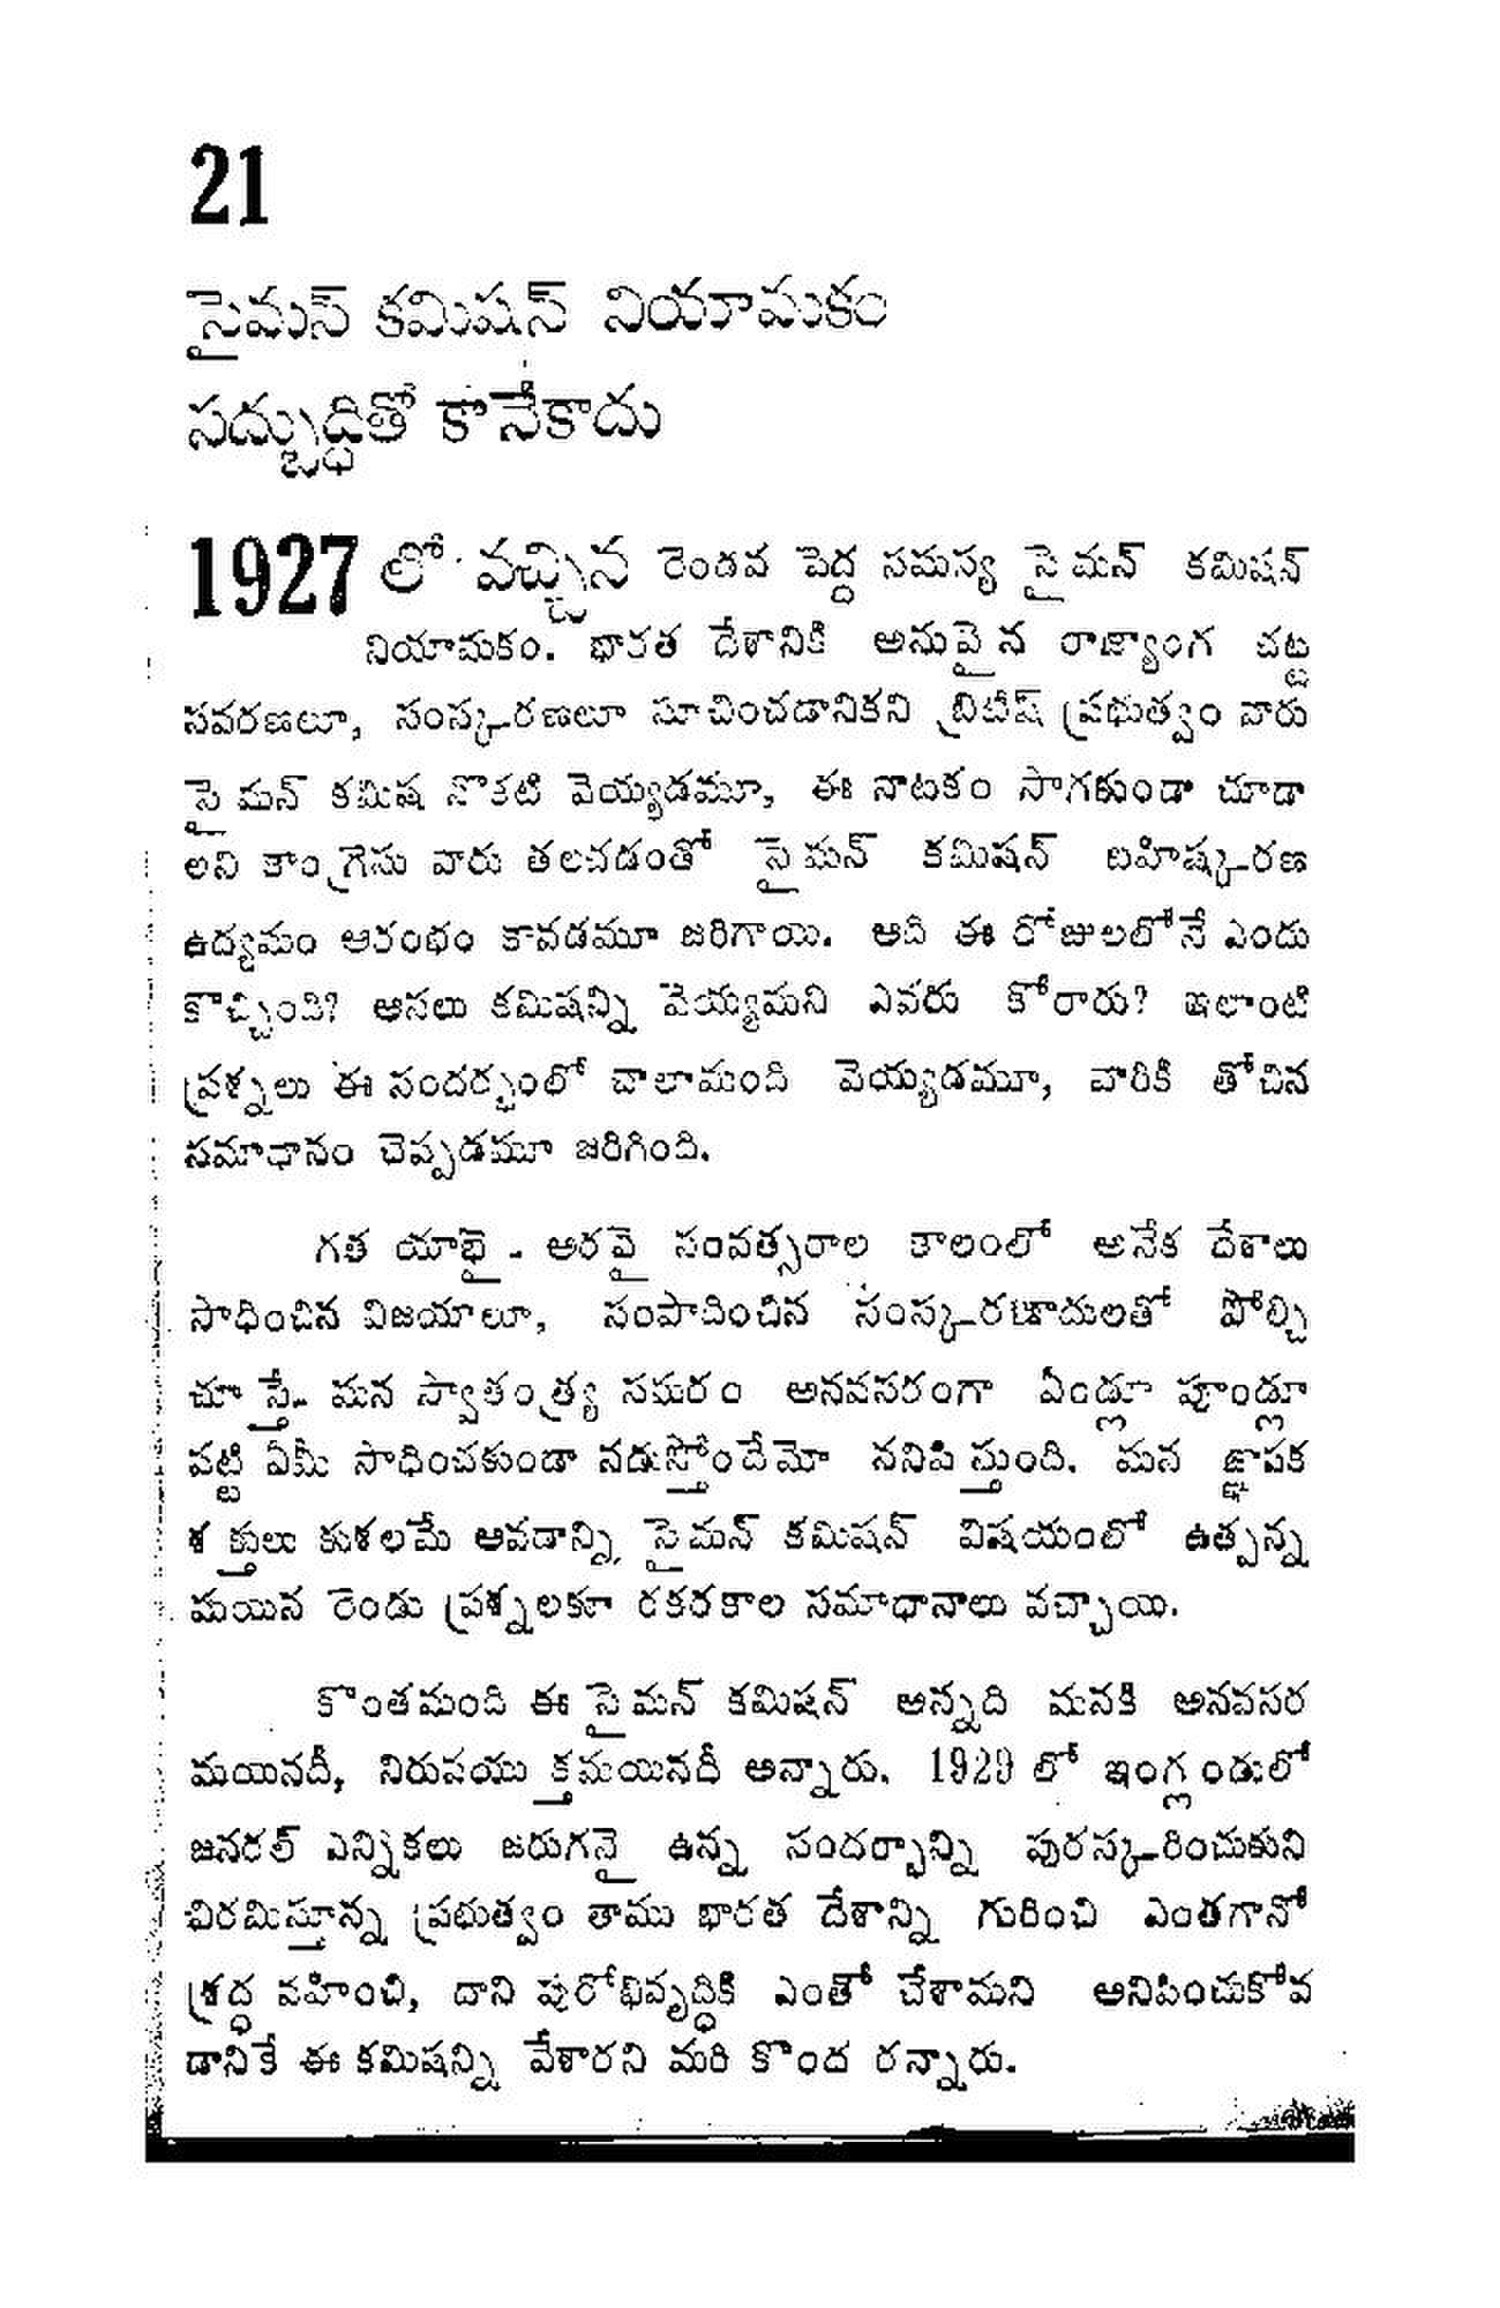1927 లో వచ్చిన రెండవ పెద్ద సమస్య సైమస్ కమిషన్ నియామకం. భారత దేశానికి అనువైన రాజ్యాంగ చట్ట సవరణలూ, సంస్కరణలూ సూచించడానికని బ్రిటిష్ ప్రభుత్వం వారు సైమన్ కమిష నొకటి వెయ్యడమూ, ఈ నాటకం సాగకుండా చూడాలని కాంగ్రెసు వారు తలచడంతో సైమన్ కమిషన్ బహిష్కరణ ఉద్యమం ఆరంభం కావడమూ జరిగాయి. అది ఈ రోజులలోనే ఎందు కొచ్చింది? అసలు కమిషన్ని వెయ్యమని ఎవరు కోరారు? ఇలాంటి ప్రశ్నలు ఈ సందర్భంలో చాలామంది వెయ్యడమూ, వారికి తోచిన సమాధానం చెప్పడమూ జరిగింది.

గత యాబై-అరవై సంవత్సరాల కాలంలో అనేక దేశాలు సాధించిన విజయాలూ, సంపాదించిన సంస్కరణాదులతో పోల్చి చూస్తే- మన స్వాతంత్ర్య సమరం అనవసరంగా ఏండ్లూ పూండ్లూ పట్టి ఏమీ సాధించకుండా నడుస్తోందేమో ననిపిస్తుంది. మన జ్ఞాపక శక్తులు కుశలమే అవడాన్ని సైమన్ కమిషన్ విషయంలో ఉత్పన్నమయిన రెండు ప్రశ్నలకూ రకరకాల సమాధానాలు వచ్చాయి.

కొంతమంది ఈ సైమన్ కమిషన్ అన్నది మనకి అనవసరమయినదీ, నిరుపయుక్తమయినదీ అన్నారు. 1920 లో ఇంగ్లండులో జనరల్ ఎన్నికలు జరుగనై ఉన్న సందర్భాన్ని పురస్కరించుకుని విరమిస్తూన్న ప్రభుత్వం తాము భారత దేశాన్ని గురించి ఎంతగానో శ్రద్ధ వహించి, దాని పురోభివృద్ధికి ఎంతో చేశామని అనిపించుకోవడానికే ఈ కమిషన్ని వేశారని మరి కొంద రన్నారు.